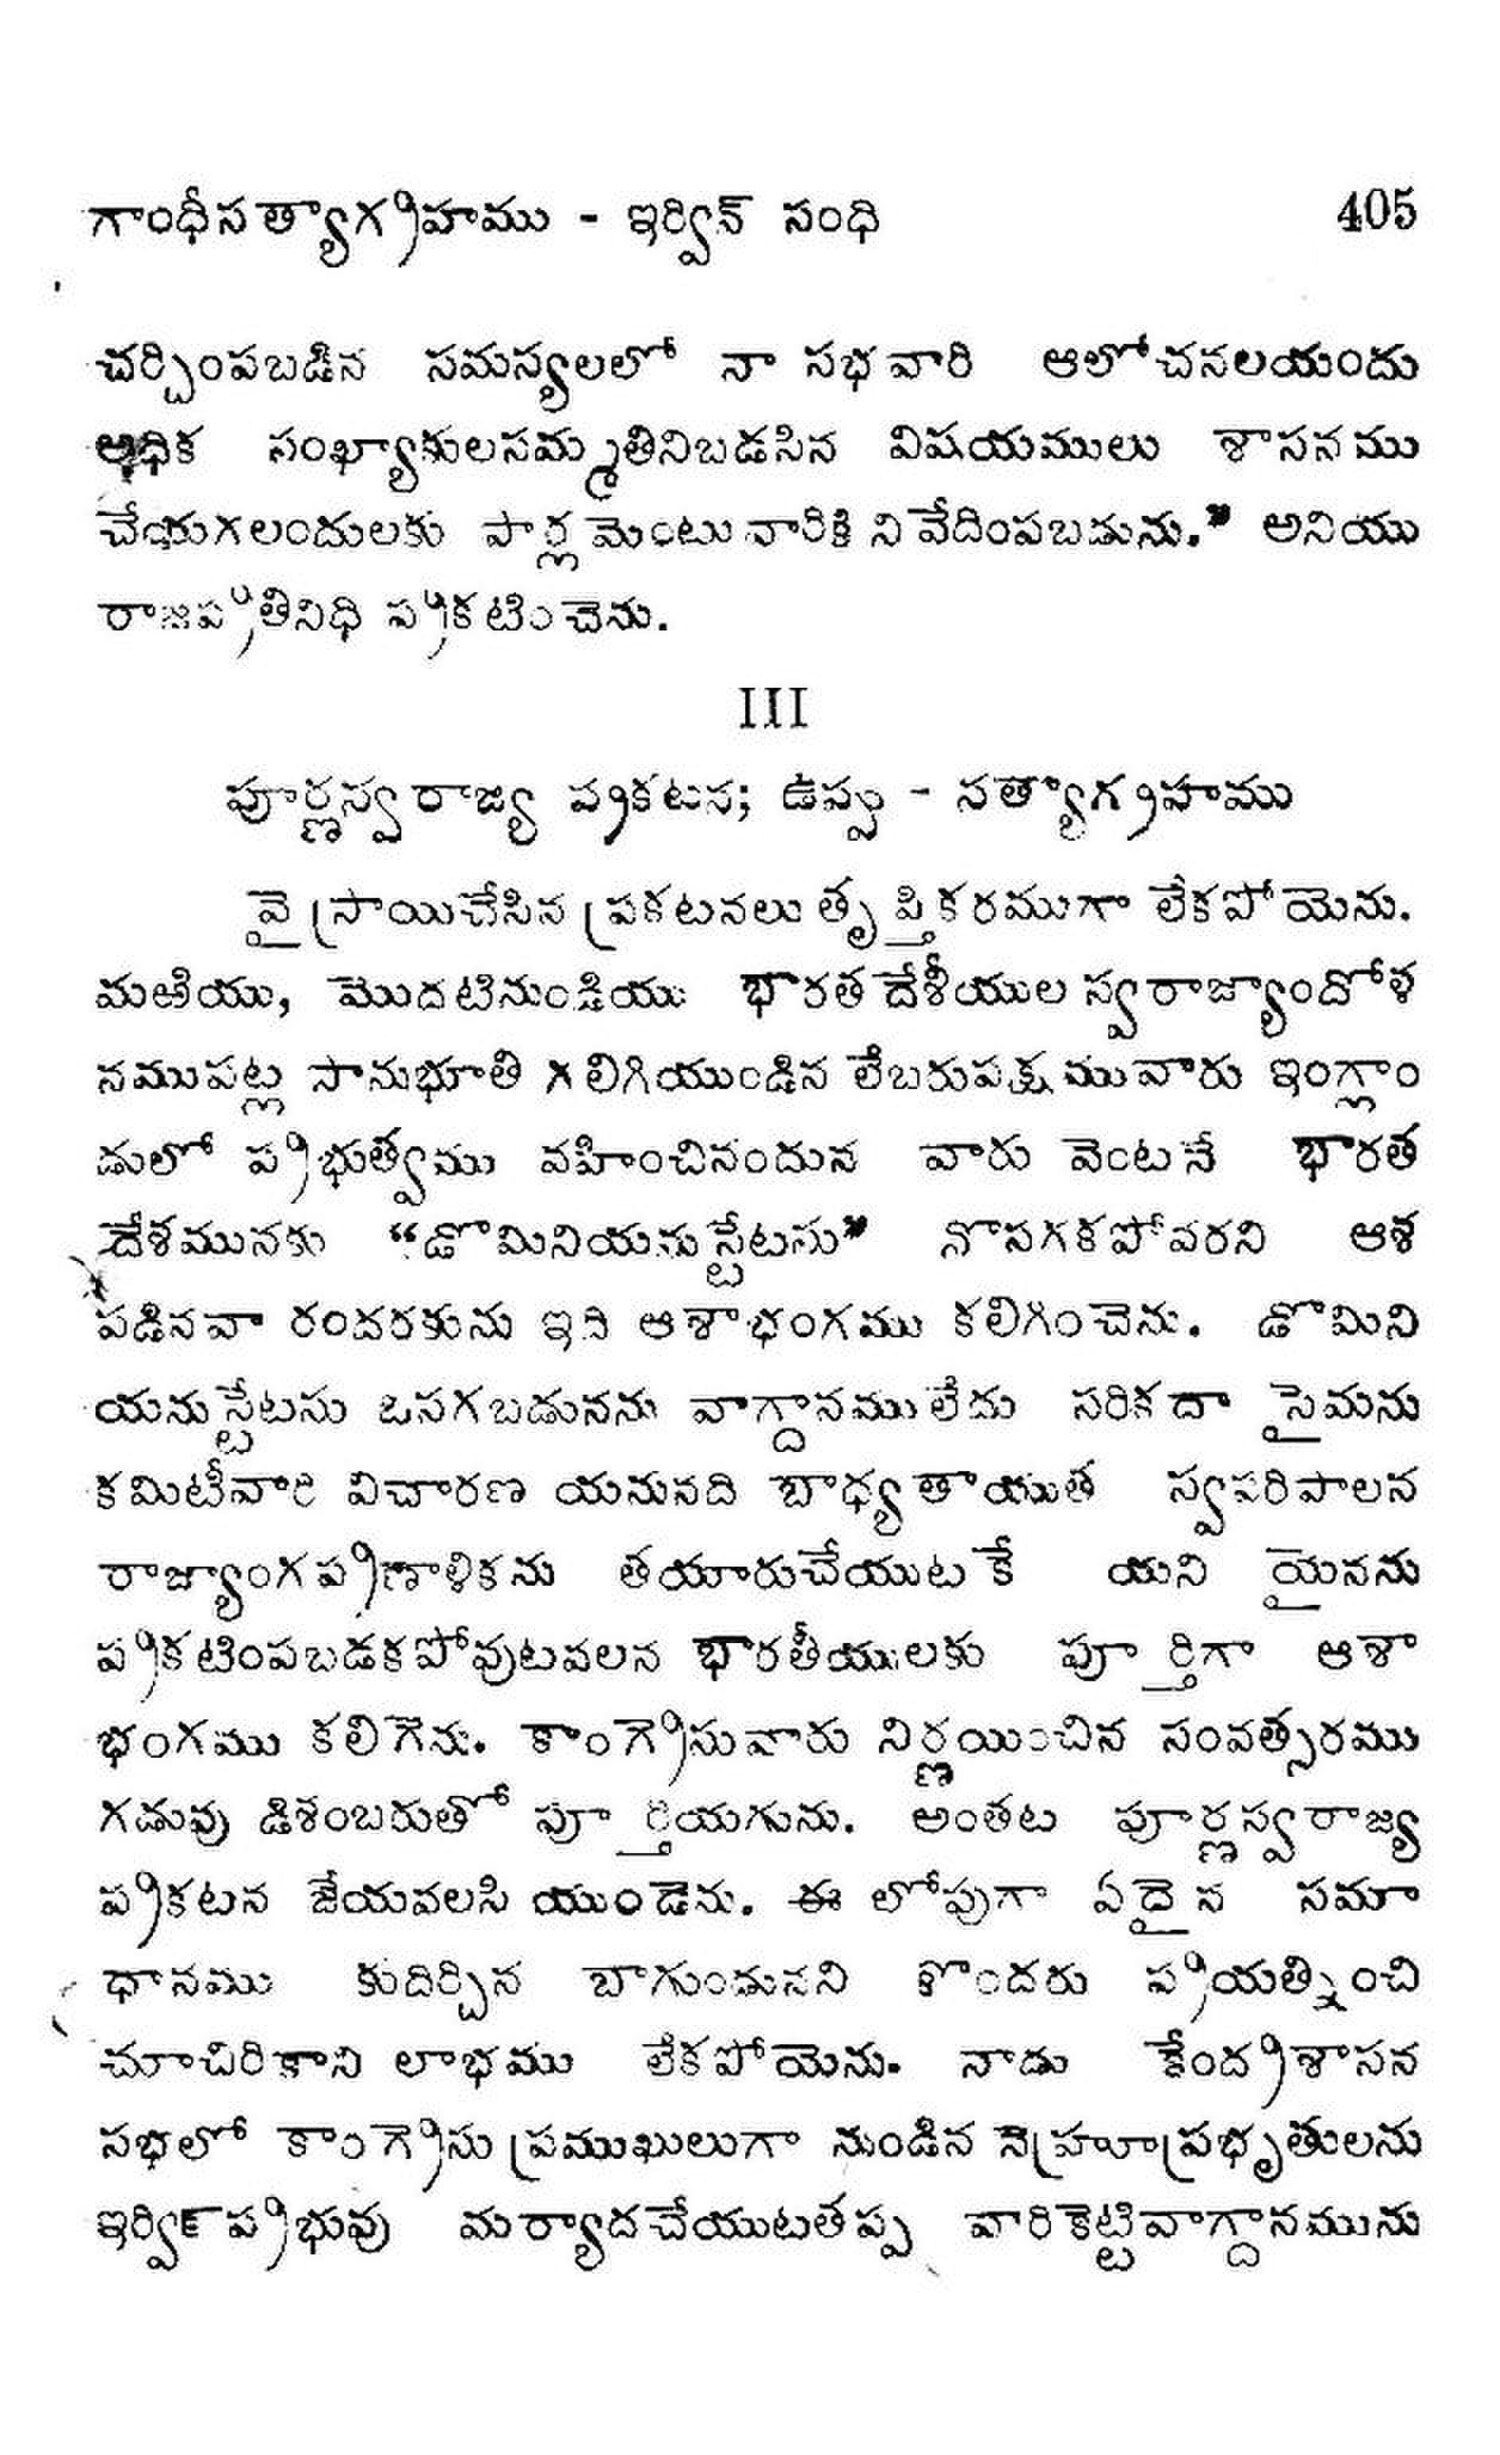చర్చింపబడిన సమస్యలలో నా సభవారి ఆలోచనలయందు అధిక సంఖ్యాకులసమ్మతినిబడసిన విషయములు శాసనము చేయగలందులకు పార్లమెంటువారికి నివేదింపబడును.” అనియు రాజప్రతినిధి ప్రకటించెను.

III 
పూర్ణస్వరాజ్య ప్రకటన; ఉప్పు - సత్యాగ్రహము

వైస్రాయిచేసిన ప్రకటనలు తృప్తికరముగా లేకపోయెను. మఱియు, మొదటినుండియు భారతదేశీయుల స్వరాజ్యాందోళనముపట్ల సానుభూతి గలిగియుండిన లేబరుపక్షమువారు ఇంగ్లాండులో ప్రభుత్వము వహించినందున వారు వెంటనే భారతదేశమునకు "డొమినియను స్టేటసు" నొసగకపోవరని ఆశపడినవా రందరకును ఇది ఆశాభంగము కలిగించెను. డొమినియనుస్టేటసు ఒసగబడునను వాగ్దానములేదు సరికదా సైమను కమిటీవారి విచారణ యనునది బాధ్యతాయుత స్వపరిపాలన రాజ్యాంగప్రణాళికను తయారుచేయుటకే యని యైనను ప్రకటింపబడకపోవుటవలన భారతీయులకు పూర్తిగా ఆశాభంగము కలిగెను. కాంగ్రెసువారు నిర్ణయించిన సంవత్సరము గడువు డిశంబరుతో పూర్తియగును. అంతట పూర్ణస్వరాజ్య ప్రకటన జేయవలసి యుండెను. ఈ లోపుగా ఏదైన సమాధానము కుదిర్చిన బాగుండునని కొందరు ప్రయత్నించి చూచిరికాని లాభము లేకపోయెను. నాడు కేంద్రశాసనసభలో కాంగ్రెసు ప్రముఖులుగా నుండిన నెహ్రూ ప్రభృతులను ఇర్వి౯ ప్రభువు మర్యాదచేయుటతప్ప వారి కెట్టివాగ్దానమును